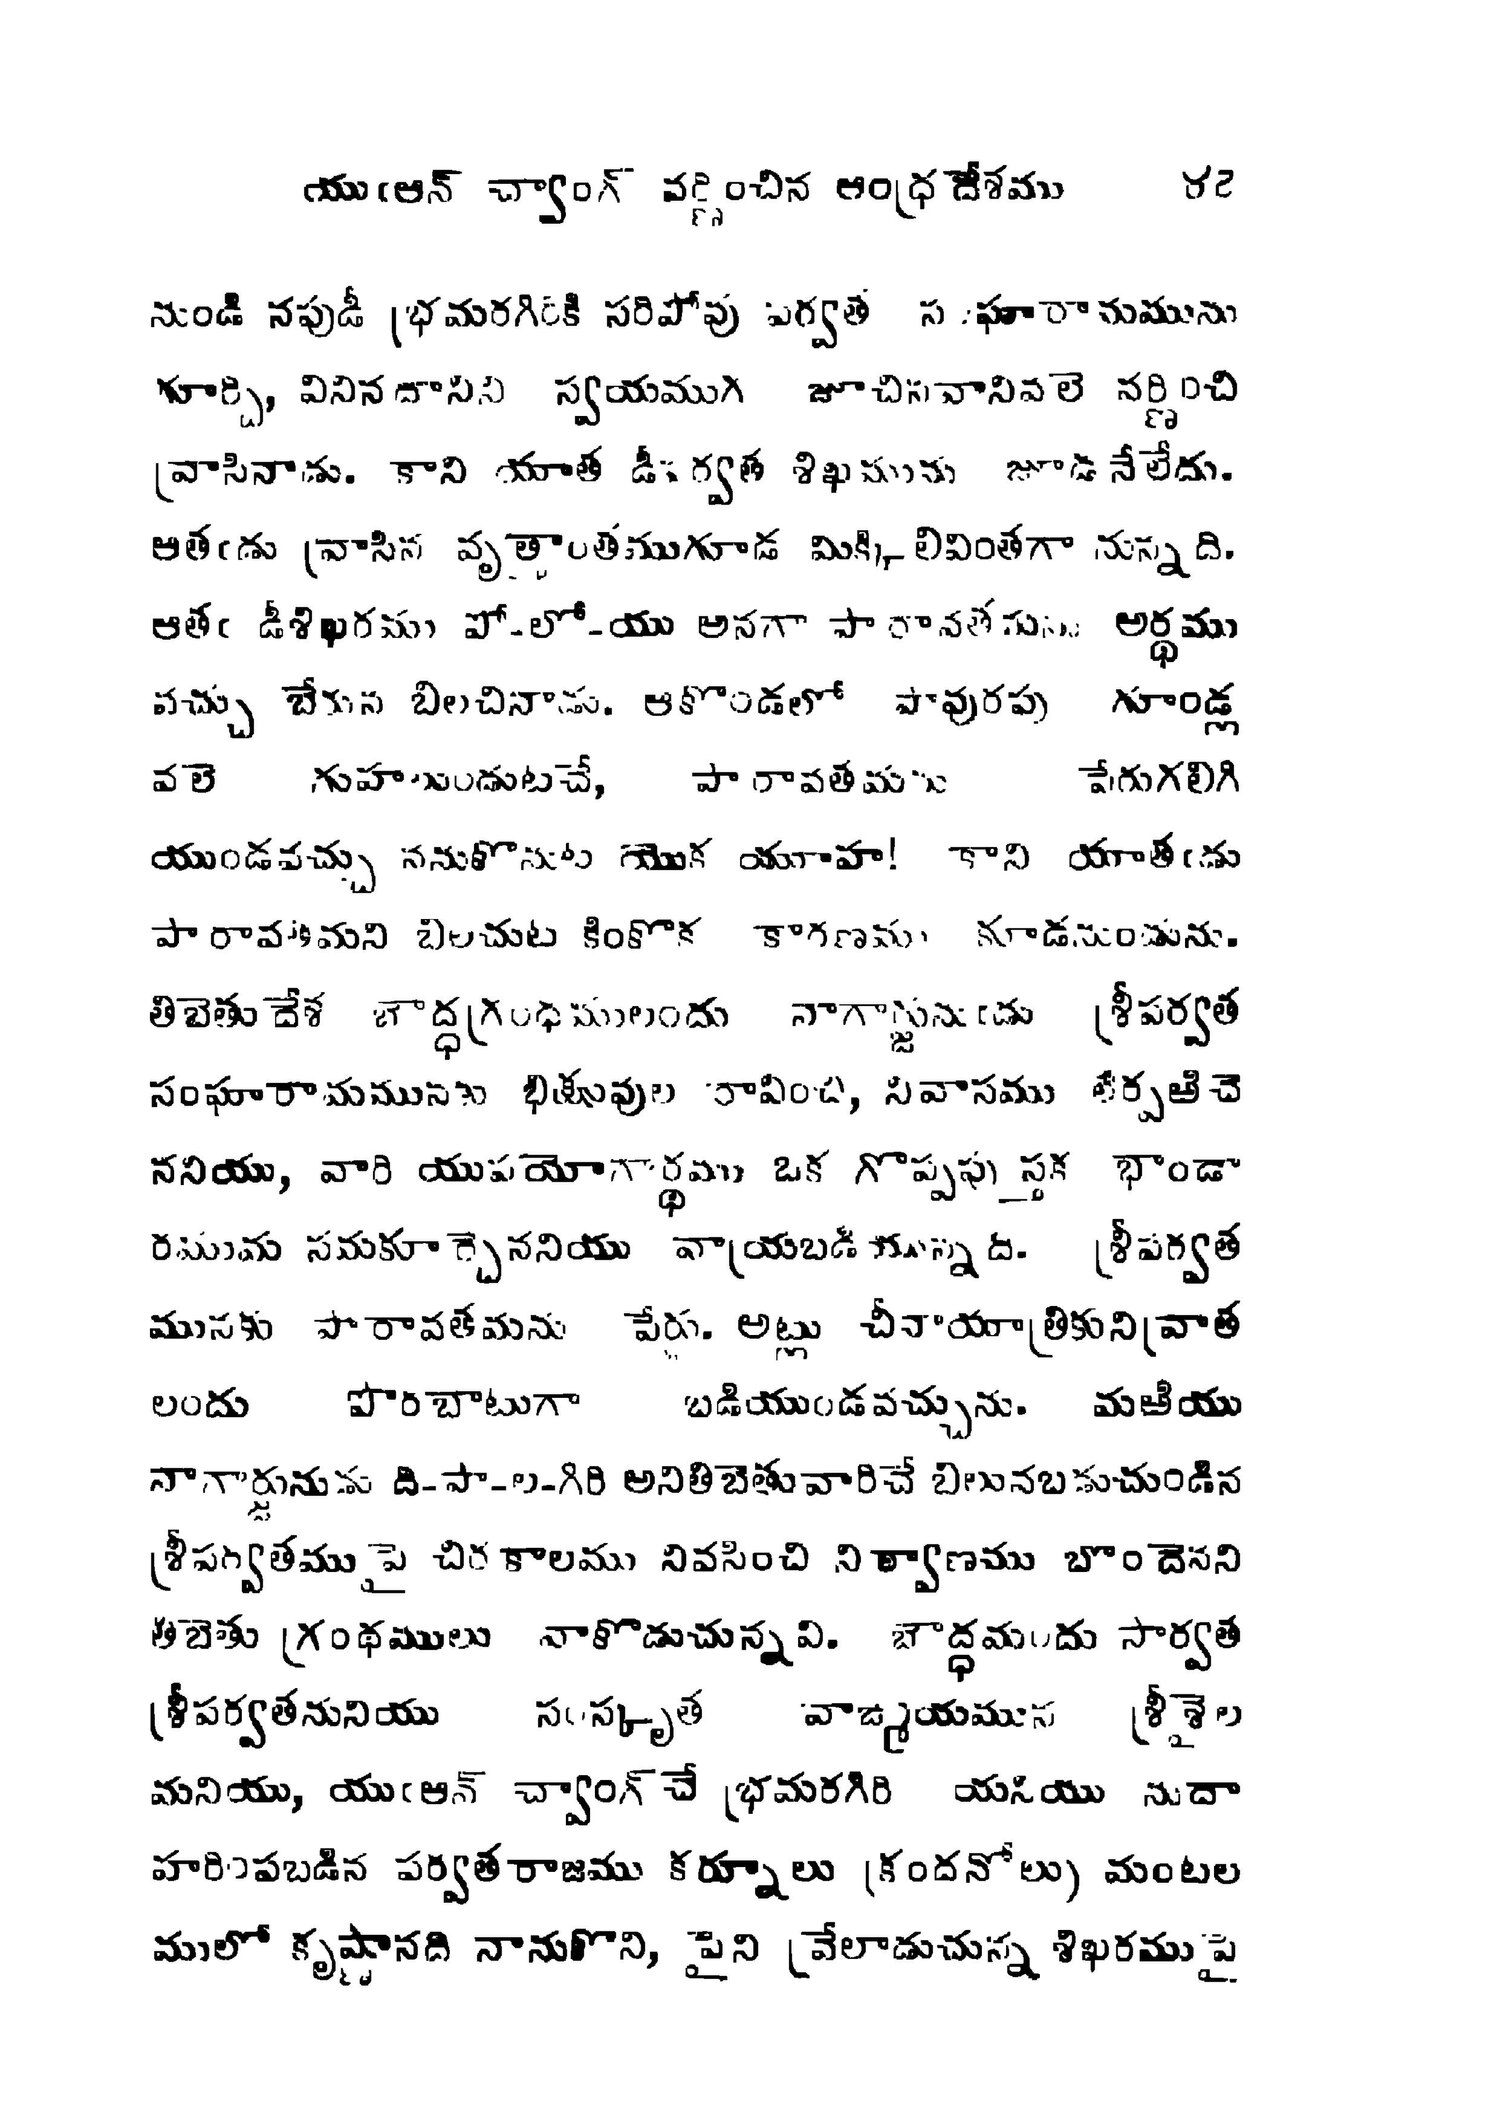నుండి నపుడీ భ్రమరగిరికి సరిపోవు పర్వత సంఘారామమును గూర్చి వినినదానిని స్వయముగ జూచినవానివలె వర్ణించి వ్రాసినాడు. కాని యాత డీపర్వత శిఖరమును జూడనేలేదు. ఆతడు వ్రాసిన వృత్తాంతముగూడ మిక్కిలివింతగా నున్నది. ఆత డీశిఖరము పో-లో-యు అనగా పారావతమను అర్థము వచ్చు బేరున బిలచినాడు. ఆకొండలో పావురపు గూండ్లవలె గుహలుండుటచే, పారావతమను పేరుగలిగి యుండవచ్చు ననుకొనుట యొక యూహ! కాని యాతడు పారావతమని బిలచుట కింకొక కారణము కూడనుండును. తిబెతు దేశ బౌద్ధగ్రంథములందు నాగార్జునుడు శ్రీపర్వత సంఘారామమునకు భిక్షువుల రావించి, నివాసము లేర్పఱిచెననియు, వార యుపయోగార్థము ఒక గొప్పపుస్తక భాండారమును సమకూర్చెననియు వ్రాయబడియున్నది. శ్రీపర్వతమునకు పారావతమను పేరు. అట్లు చీనాయాత్రికుని వ్రాతలందు పొరబాటుగా బడియుండవచ్చును. మఱియు నాగార్జునుడు ది-పా-ల-గిరి అని తిబెతువారిచే బిలువబడుచుండిన శ్రీపర్వతముపై చిరకాలము నివసించి నిర్వాణము బొందెనని తిబెతు గ్రంథములు వాకొడుచున్నవి. బౌద్ధమందు సార్వత శ్రీపర్వతనునియు సంస్కృత వాఙ్మయమున శ్రీశైలమనియు, యుఆన్ చ్వాంగ్‌చే భ్రమరగిరి యనియు నదాహరింపబడిన పర్వతరాజము కర్నూలు (కందనోలు) మంటలములో కృష్ణానది నానుకొని, పైని వ్రేలాడుచున్న శిఖరముపై